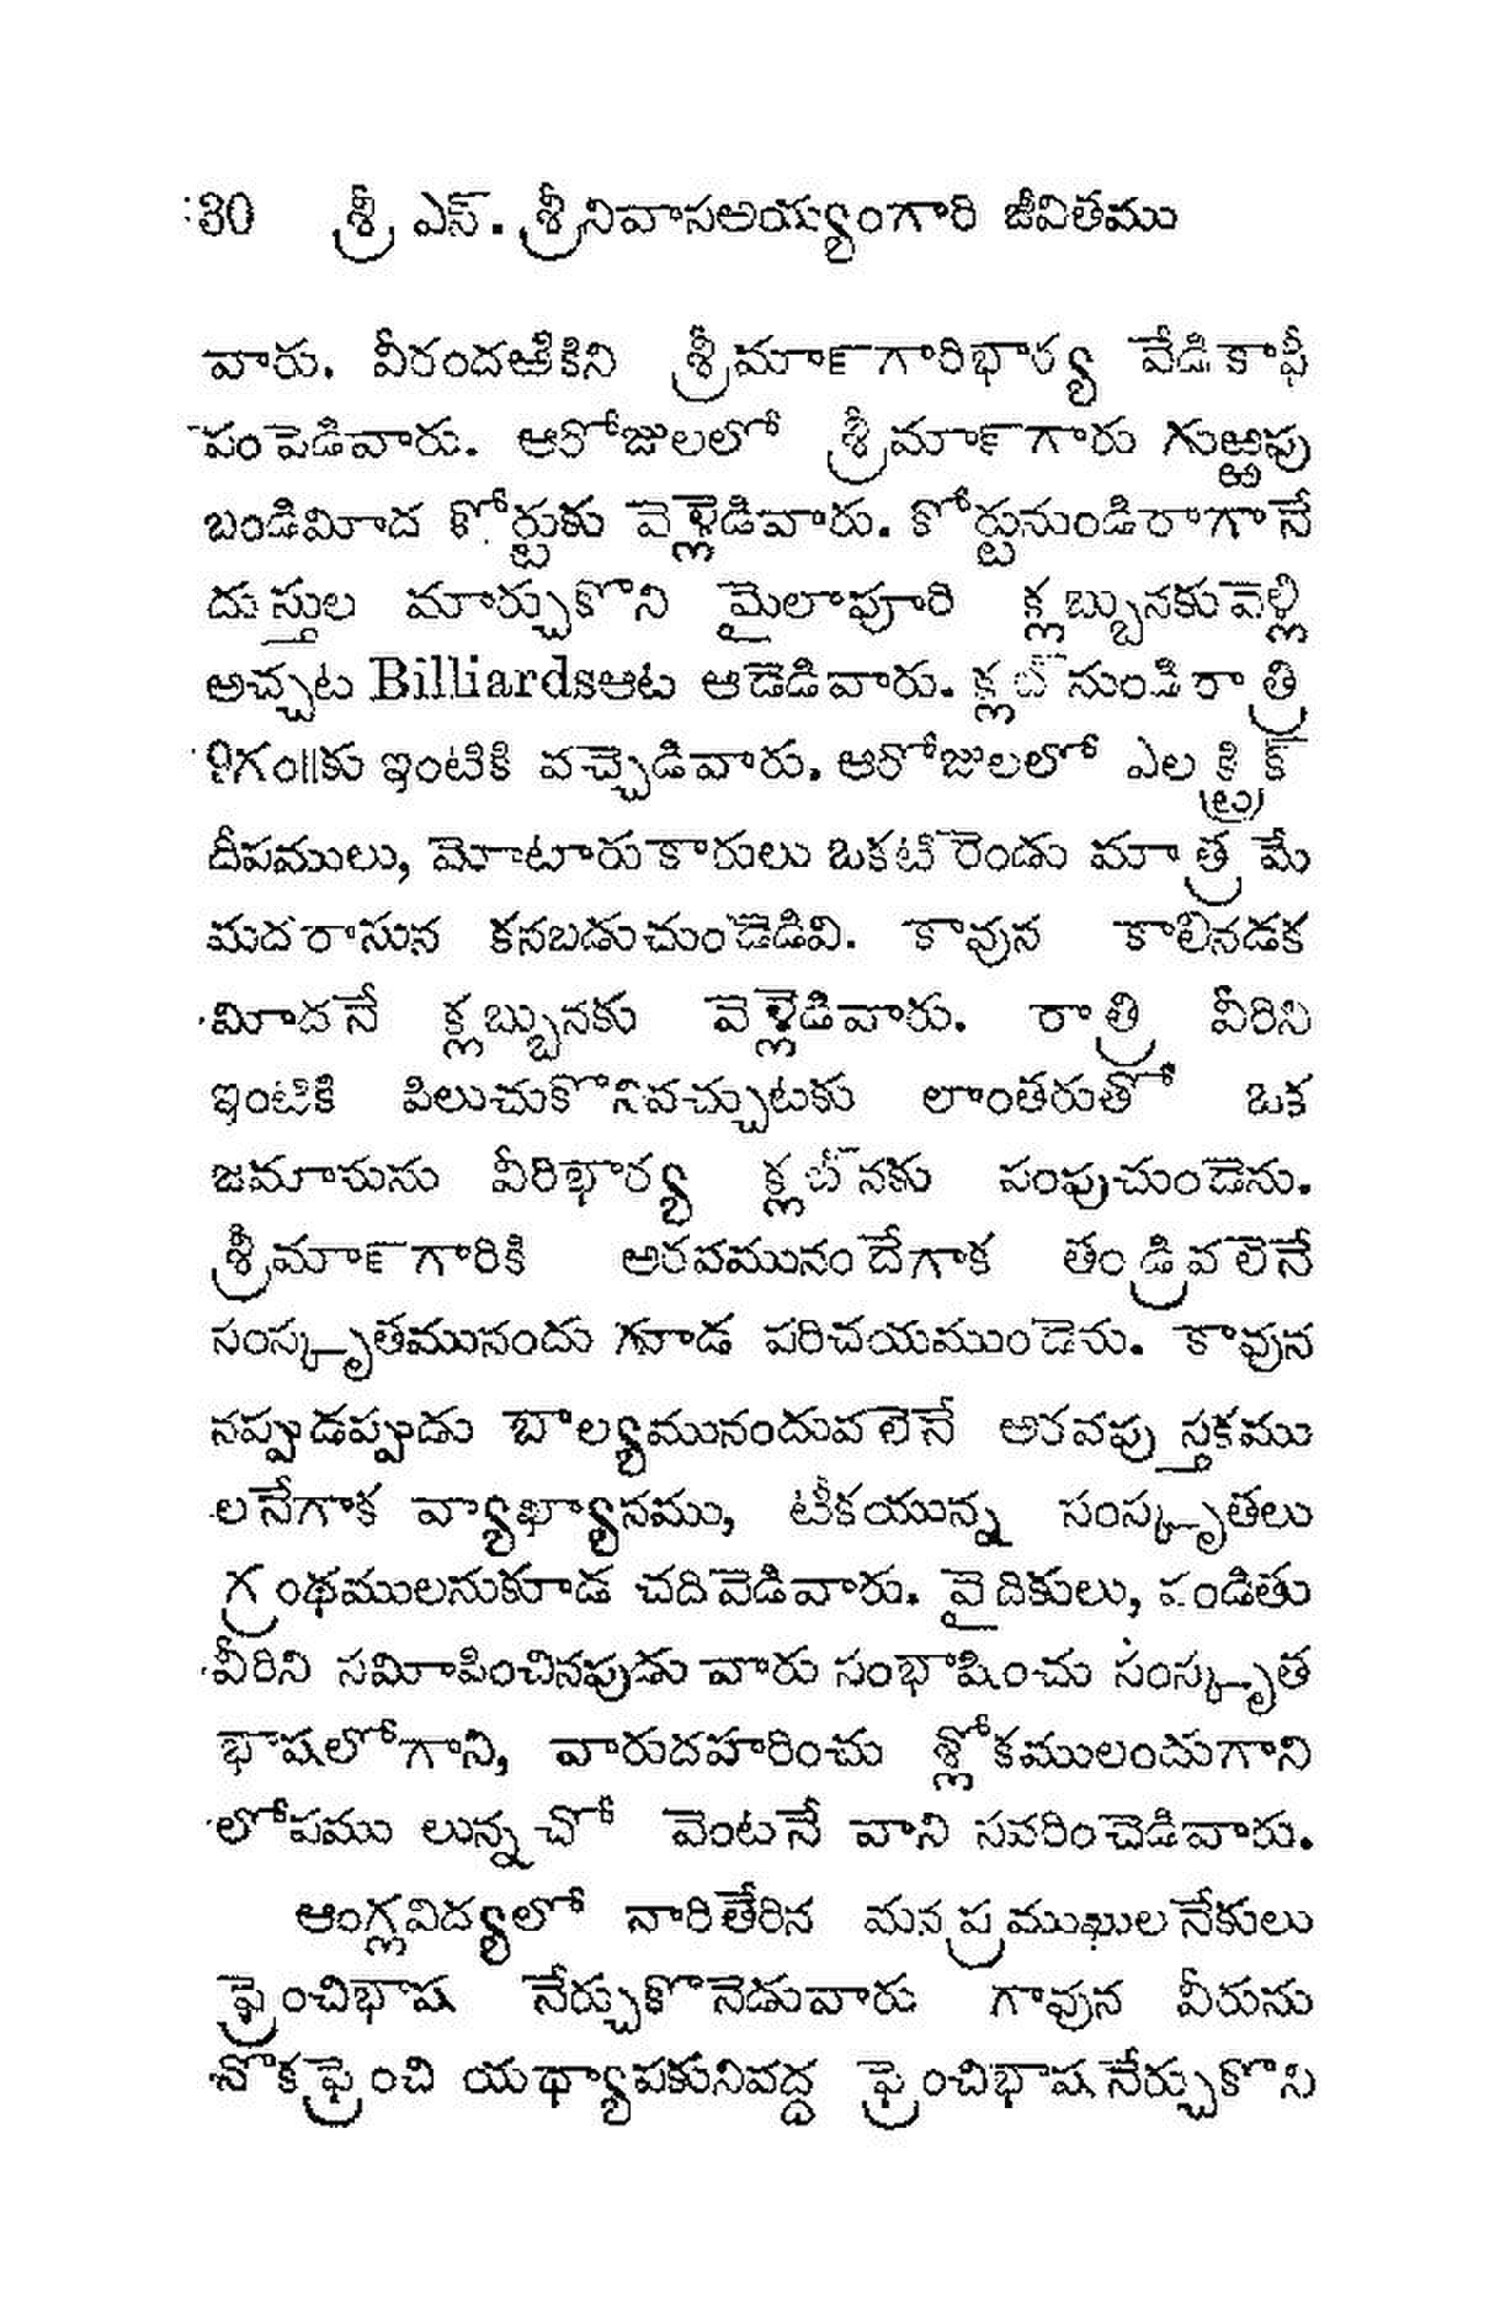వారు. వీరందఱికిని శ్రీమా౯గారిభార్య వేడికాఫీ పంపెడివారు. ఆరోజులలో శ్రీమా౯గారు గుఱ్ఱపుబండిమీద కోర్టుకు వెళ్లెడివారు. కోర్టునుండిరాగానే దుస్తుల మార్చుకొని మైలాపూరి క్లబ్బునకువెళ్లి అచ్చట Billiards ఆట ఆడెడివారు. క్లబ్‌నుండిరాత్రి 9 గం||కు ఇంటికి వచ్చెడివారు. ఆరోజులలో ఎలక్ట్రిక్ దీపములు, మోటారుకారులు ఒకటిరెండు మాత్రమే మదరాసున కనబడుచుండెడివి. కావున కాలినడకమీదనే క్లబ్బునకు వెళ్లెడివారు. రాత్రి వీరిని ఇంటికి పిలుచుకొనివచ్చుటకు లాంతరుతో ఒక జమానును వీరిభార్య క్లబ్‌నకు పంపుచుండెను. శ్రీమా౯గారికి అరవమునందేగాక తండ్రివలెనే సంస్కృతమునందు గూడ పరిచయముండెను. కావున నప్పుడప్పుడు బాల్యమునందువలెనే అరవనపుస్తకములనేగాక వ్యాఖ్యానము, టీకయున్న సంస్కృతలు గ్రంథములనుకూడ చదివెడివారు. వైదికులు, పండితు వీరిని సమీపించినపుడు వారు సంభాషించు సంస్కృతభాషలోగాని, వారుదహరించు శ్లోకములందుగాని లోపము లున్నచో వెంటనే వాని సవరించెడివారు.

ఆంగ్లవిద్యలో నారితేరిన మనప్రముఖులనేకులు ఫ్రెంచిభాష నేర్చుకొనేడువారు గావున వీరును నొకఫ్రెంచి యథ్యాపకునివద్ద ఫ్రెంచిభాషనేర్చుకొని